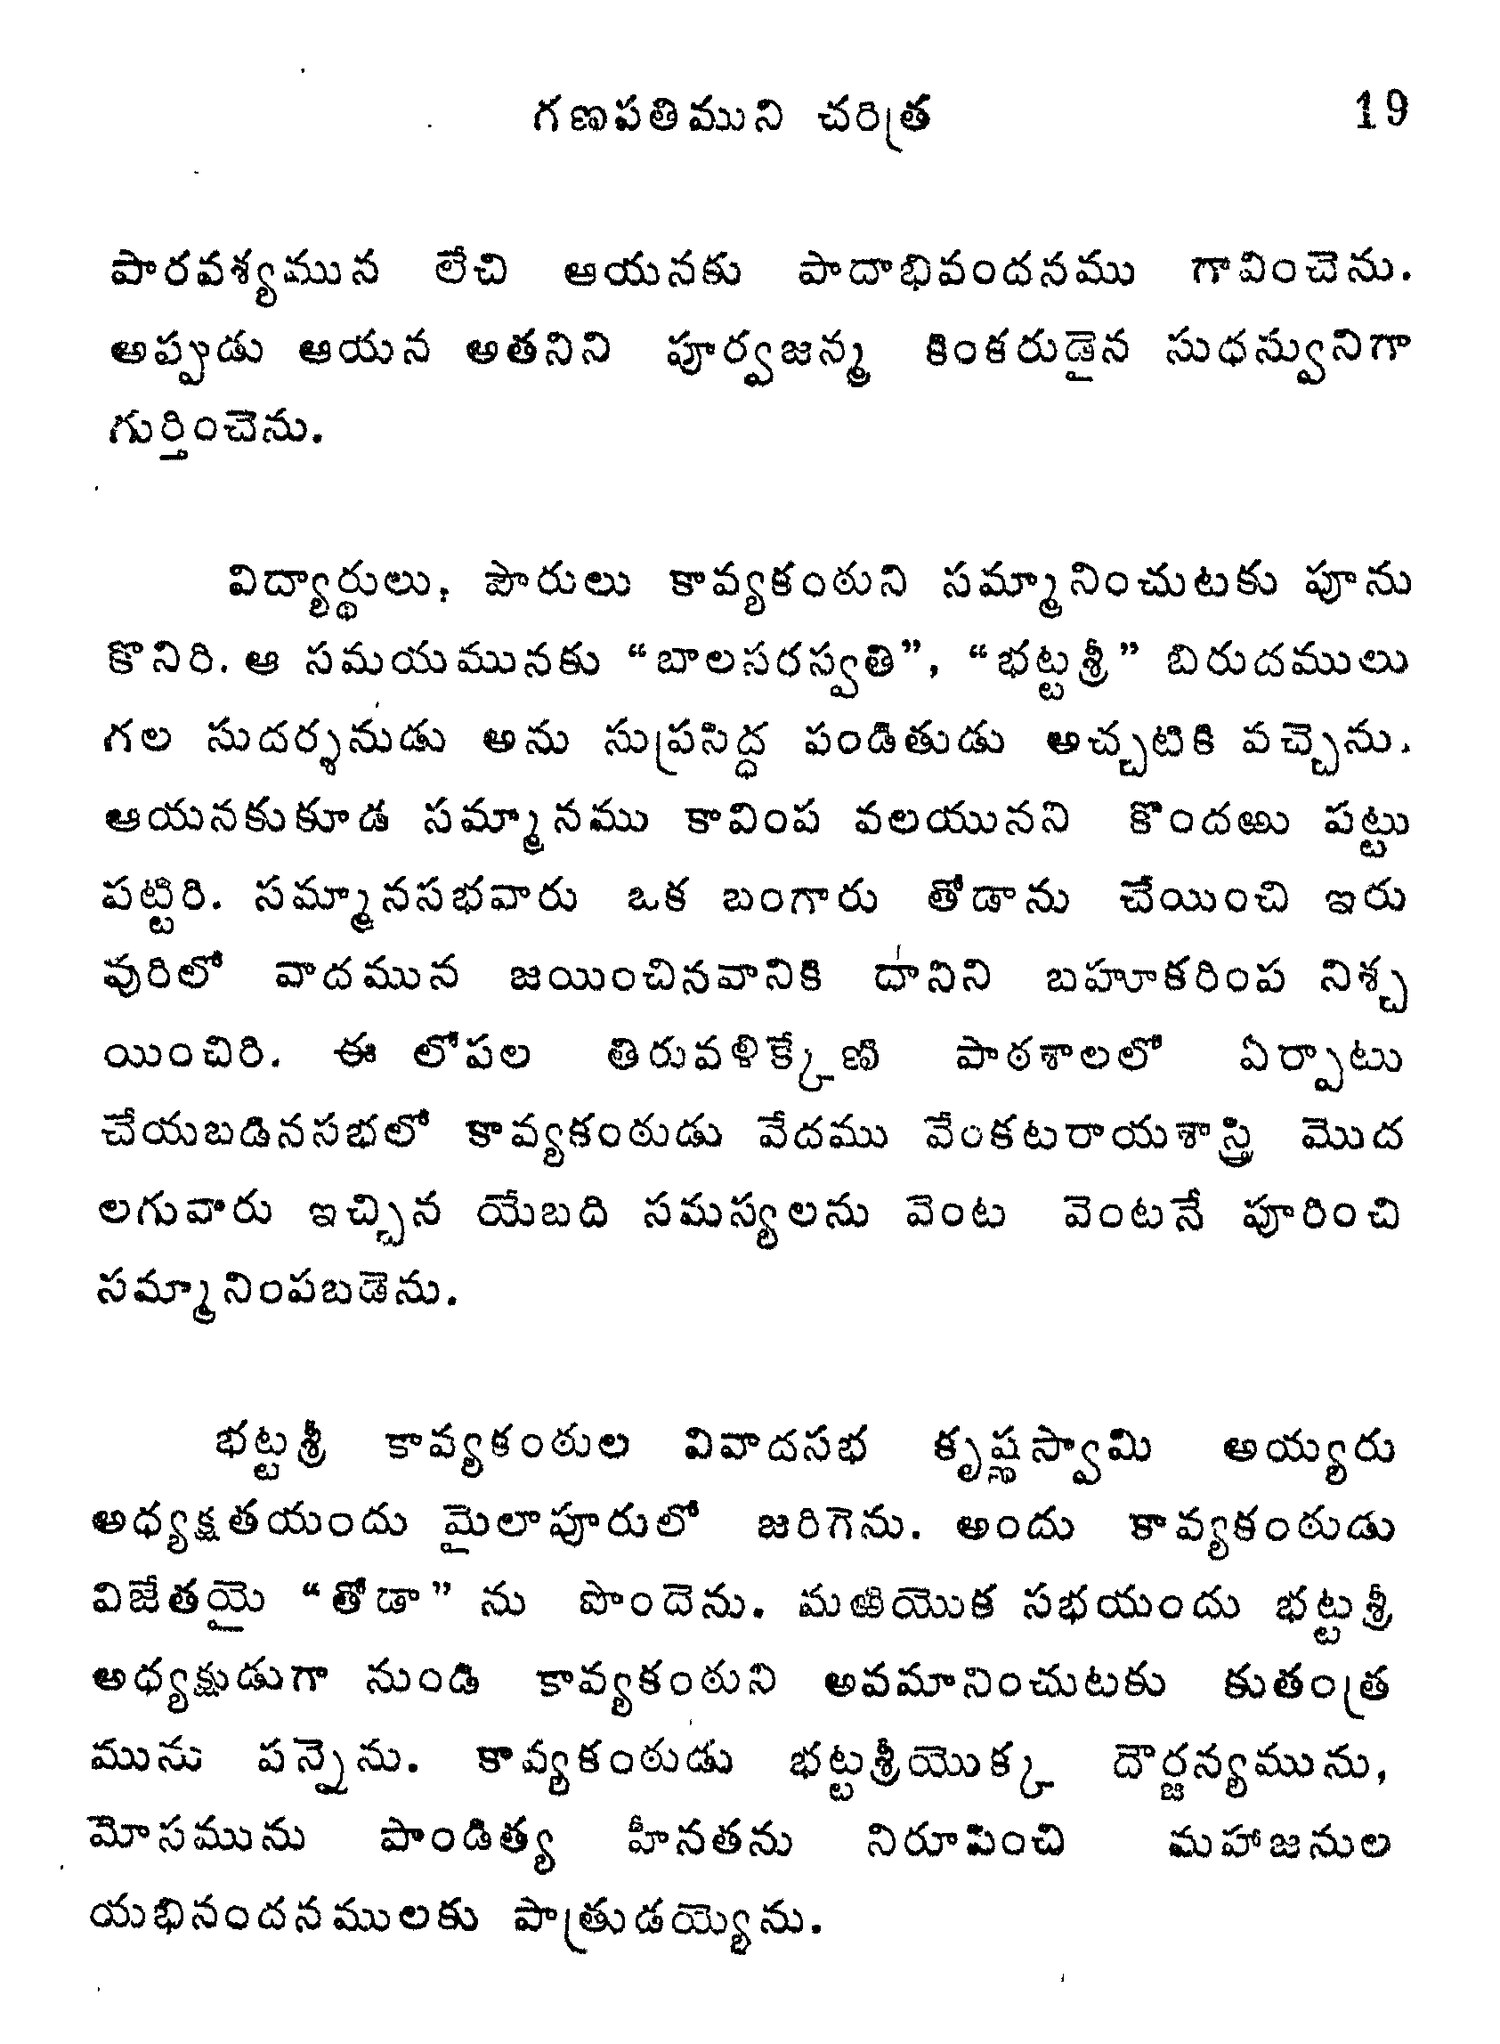పారవశ్యమున లేచి ఆయనకు పాదాభివందనము గావించెను. అప్పుడు ఆయన అతనిని పూర్వజన్మ కింకరుడైన సుధన్వునిగా గుర్తించెను.

విద్యార్థులు, పౌరులు కావ్యకంఠుని సమ్మానించుటకు పూనుకొనిరి. ఆ సమయమునకు "బాలసరస్వతి", "భట్టశ్రీ" బిరుదములు గల సుదర్శనుడు అను సుప్రసిద్ధ పండితుడు అచ్చటికి వచ్చెను. ఆయనకుకూడ సమ్మానము కావింప వలయునని కొందఱు పట్టుపట్టిరి. సమ్మానసభవారు ఒక బంగారు తోడాను చేయించి ఇరువురిలో వాదమున జయించినవానికి దానిని బహూకరింప నిశ్చయించిరి. ఈ లోపల తిరువళిక్కేణి పాఠశాలలో ఏర్పాటు చేయబడిన సభలో కావ్యకంఠుడు వేదము వేంకటరాయశాస్త్రి మొదలగువారు ఇచ్చిన యేబది సమస్యలను వెంట వెంటనే పూరించి సమ్మానింపబడెను.

భట్టశ్రీ కావ్యకంఠుల వివాదసభ కృష్ణస్వామి అయ్యరు అధ్యక్షతయందు మైలాపూరులో జరిగెను. అందు కావ్యకంఠుడు విజేతయై "తోడా" ను పొందెను. మఱియొక సభయందు భట్టశ్రీ అధ్యక్షుడుగా నుండి కావ్యకంఠుని అవమానించుటకు కుతంత్రమును పన్నెను. కావ్యకంఠుడు భట్టశ్రీయొక్క దౌర్జన్యమును, మోసమును పాండిత్య హీనతను నిరూపించి మహాజనుల యభినందనములకు పాత్రుడయ్యెను.